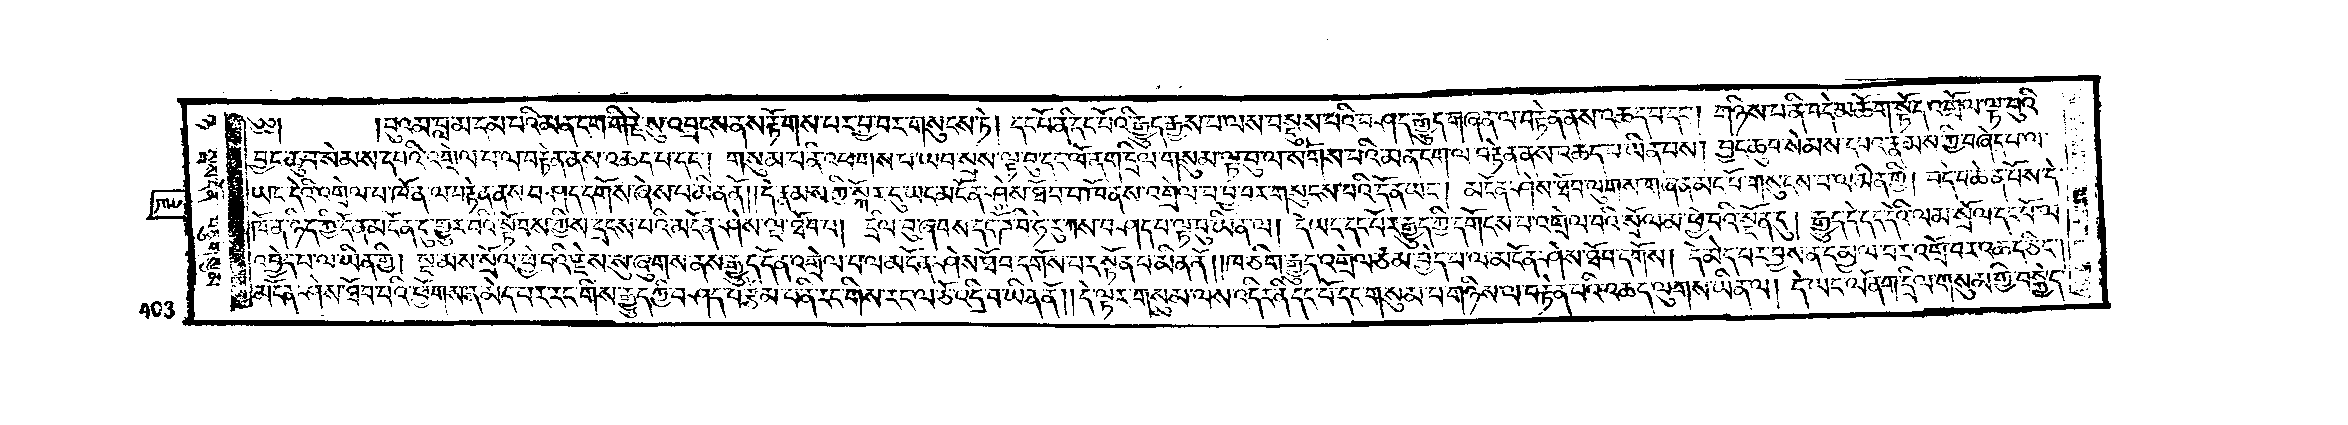༄༅། །བུའམ་བླ་མ་དམ་པའི་མན་ངག་གི་རྗེས་སུ་འབྲངས་ནས་རྟོགས་པར་བྱ་བར་གསུངས་ཏེ། དང་པོ་ནི་དང་པོའི་རྒྱུད་རྒྱས་པ་ལས་བསྡུས་པའི་བཤད་རྒྱུད་གཞན་ལ་བརྟེན་ནས་འཆད་པ་དང་། གཉིས་པ་ནི་བདེ་མཆོག་སྟོད་འགྲེལ་ལྟ་བུའི་
བྱང་ཆུབ་སེམས་དཔའི་འགྲེལ་པ་ལ་བརྟེན་ནས་འཆད་པ་དང་། གསུམ་པ་ནི་འཕགས་པ་ཡབ་སྲས་ལྟ་བུ་དང་ལོ་ནག་དྲིལ་གསུམ་ལྟ་བུ་ལ་སོགས་པའི་མན་ངག་ལ་བརྟེན་ནས་འཆད་པ་ཡིན་པས། བྱང་ཆུབ་སེམས་དཔའ་རྣམས་ཀྱི་བཞེད་པ་ལ་
ཡང་དེའི་འགྲེལ་པ་ཁོ་ན་ལ་བརྟེན་ནས་བཤད་དགོས་ཞེས་པ་མིན་ནོ། །དེ་རྣམས་ཀྱི་སྐོར་དུ་ཡང་མངོན་ཤེས་ཐོབ་པ་ཁོ་ནས་འགྲེལ་པ་བྱ་བར་གསུངས་པའི་དོན་ཡང་། མངོན་ཤེས་ཐོབ་ལུགས་གཞན་མང་པོ་གསུངས་པ་ལ་མིན་གྱི། བདེ་བ་ཆེན་པོས་དེ་
ཁོ་ན་ཉིད་ཀྱི་དོན་མངོན་དུ་གྱུར་པའི་སྟོབས་ཀྱིས་དྲངས་པའི་མངོན་ཤེས་ལྔ་ཐོབ་པ། དྲིལ་བུ་ཞབས་དང་ཌོཾ་བི་ཧེ་རུ་ཀས་བཤད་པ་ལྟ་བུ་ཡིན་ལ། དེ་ཡང་དང་པོར་རྒྱུད་ཀྱི་དགོངས་པ་འགྲེལ་བའི་སྲོལ་མ་ཕྱེ་བའི་སྔོན་དུ། རྒྱུད་དེ་དང་དེའི་ལམ་སྲོལ་དང་པོ་ལ་
འབྱེད་པ་ལ་ཡིན་གྱི། སྔ་མས་སྲོལ་ཕྱེ་བའི་རྗེས་སུ་ཞུགས་ནས་རྒྱུད་དོན་འགྲེལ་བ་ལ་མངོན་ཤེས་ཐོབ་དགོས་པར་སྟོན་པ་མིན་ནོ། །ཁ་ཅིག་རྒྱུད་འགྲེལ་ཙམ་བྱེད་པ་ལ་མངོན་ཤེས་ཐོབ་དགོས། དེ་མེད་པར་བྱས་ན་དམྱལ་བར་འགྲོ་བར་འཆད་ཅིང་།
མངོན་ཤེས་ཐོབ་པའི་ཕྱོགས་ན་མེད་པར་རང་གིས་རྒྱུད་ཀྱི་བཤད་པ་རྩོམ་པ་ནི་རང་གིས་རང་ལ་ཅོ་འདྲི་བ་ཡིན་ནོ། །དེ་ལྟར་གསུམ་ལས་འདིར་ནི་དང་པོ་དང་གསུམ་པ་གཉིས་ལ་བརྟེན་པའི་འཆད་ལུགས་ཡིན་ལ། དེ་ཡང་ལོ་ནག་དྲིལ་གསུམ་གྱི་བསྐྱེད་